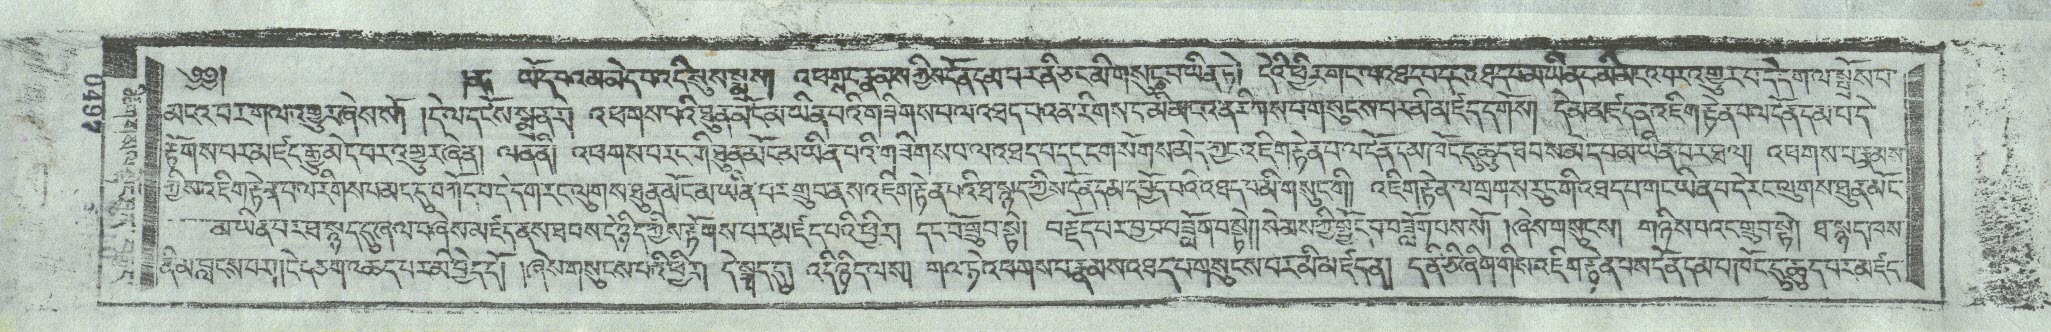༄༅། །ན༑ ཡོད་པའམ་མེད་པ་འདི་སུས་སྨྲས། འཕགས་པ་རྣམས་ཀྱིས་དོན་དམ་པར་ནི་ཅང་མི་གསུང་པ་ཡིན་ཏེ། དེའི་ཕྱིར་གང་ལ་འཐད་པ་དང་འཐད་པ་མ་ཡིན་པ་མི་མངའ་བར་འགྱུར་བ་དེ་དག་ལ་སྤྲོས་པ་
མངའ་བར་ག་ལ་འགྱུར་ཞེས་སོ། །དེ་ལ་དངོས་སྨྲ་ན་རེ། འཕགས་པའི་ཐུན་མོང་མ་ཡིན་པའི་གཟིགས་པ་ལ་འཐད་པའམ་རིགས་པ་མི་མངའ་ན་རིགས་པ་གསུངས་པར་མི་མཛད་དགོས། དེ་མ་མཛད་ན་འཇིག་རྟེན་པ་ལ་དོན་དམ་པ་དེ་
རྟོགས་པར་མཛད་རྒྱུ་མེད་པར་འགྱུར་ཞེ་ན། ལན་ནི། འཕགས་པ་རང་གི་ཐུན་མོང་མ་ཡིན་པའི་གཟིགས་པ་ལ་འཐད་པ་དང་ངག་སོགས་མེད་ཀྱང་འཇིག་རྟེན་པ་ལ་དོན་དམ་ཁོང་དུ་ཆུད་ཐབས་མེད་པ་མ་ཡིན་པར་ཐལ། འཕགས་པ་རྣམས་
ཀྱིས་འཇིག་རྟེན་པ་ལ་རིགས་པ་མང་དུ་བཀོད་པ་དེ་དག་རང་ལུགས་ཐུན་མོང་མ་ཡིན་པར་གྲུབ་ནས་འཇིག་རྟེན་པའི་ཐ་སྙད་ཀྱིས་དོན་དམ་དཔྱོད་པའི་འཐད་པ་མི་གསུང་གི། འཇིག་རྟེན་ལ་གྲགས་རུང་གི་འཐད་པ་གང་ཡིན་པ་དེ་རང་ལུགས་ཐུན་མོང་
མ་ཡིན་པར་ཐ་སྙད་དུ་ཞལ་བཞེས་མཛད་ནས་ཐབས་དེ་ཉིད་ཀྱིས་རྟོགས་པར་མཛད་པའི་ཕྱིར། དང་པོ་གྲུབ་སྟེ། བརྗོད་པར་བྱ་བ་བཟློག་པ་སྟེ། །སེམས་ཀྱི་སྤྱོད་པ་བཟློག་པས་སོ། །ཞེས་གསུངས། གཉིས་པའང་གྲུབ་སྟེ། ཐ་སྙད་ཁས་
ནི་མ་བླངས་པར། །ངེད་ཅག་འཆད་པར་མི་བྱེད་དོ། །ཞེས་གསུངས་པའི་ཕྱིར། དེ་སྐད་དུ། འདི་ཉིད་ལས། གལ་ཏེ་འཕགས་པ་རྣམས་འཐད་པ་གསུངས་པར་མི་མཛད་ན། ད་ནི་ཅི་ཞིག་གིས་འཇིག་རྟེན་པས་དོན་དམ་པ་ཁོང་དུ་ཆུད་པར་མཛད་